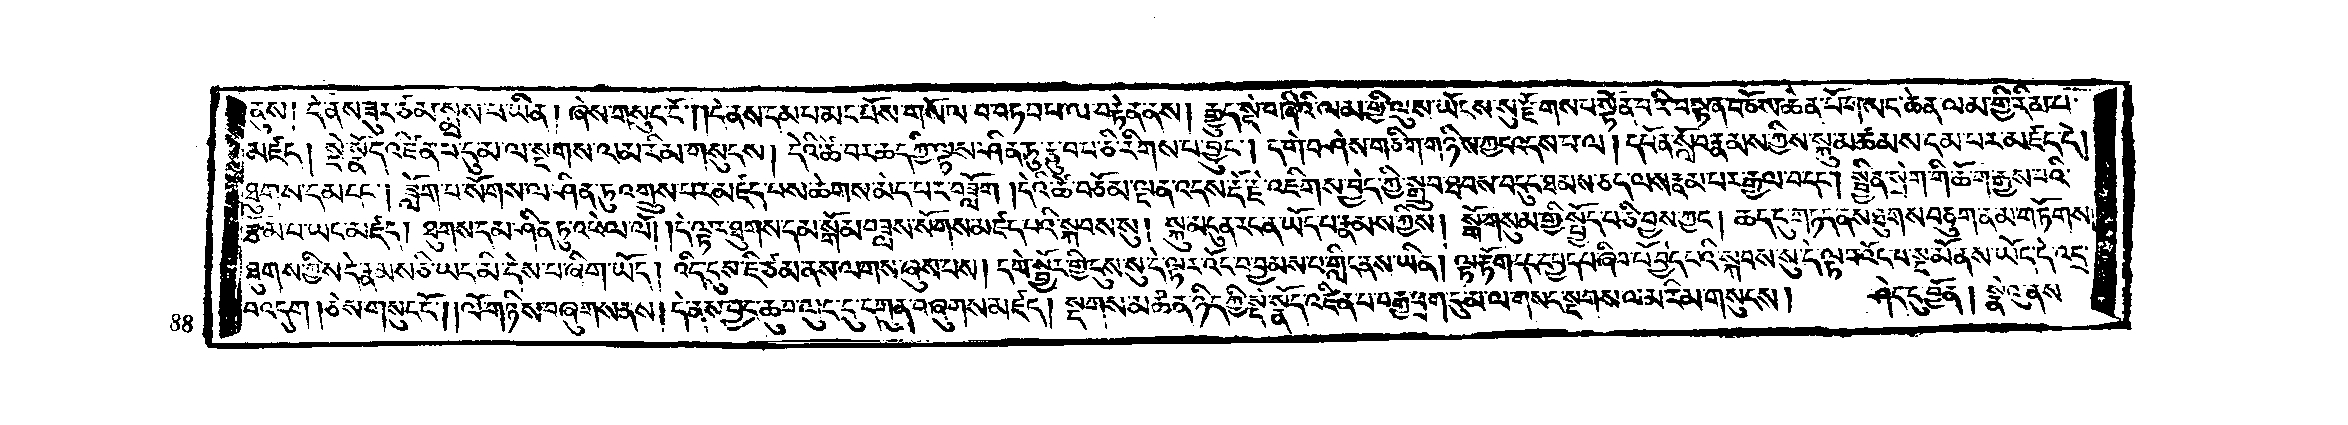ནུས། དེ་ནས་ཟུར་ཙམ་སྨྲས་པ་ཡིན། ཞེས་གསུང་ངོ། །དེ་ནས་དམ་པ་མང་པོས་གསོལ་བ་བཏབ་པ་ལ་བརྟེན་ནས། རྒྱུད་སྡེ་བཞིའི་ལམ་གྱི་ལུས་ཡོངས་སུ་རྫོགས་པ་སྟོན་པའི་བསྟན་བཅོས་ཆེན་པོ་གསང་ཆེན་ལམ་གྱི་རིམ་པ་
མཛད། སྡེ་སྣོད་འཛིན་པ་དུ་མ་ལ་སྔགས་ལམ་རིམ་གསུངས། དེའི་ཚེ་བར་ཆད་ཀྱི་ལྟས་ཤིན་ཏུ་རྩུ་བ་པ་ཅི་རིགས་པ་བྱུང་། དགེ་བཤེས་གཅིག་གཉིས་ཀྱང་འདས་པ་ལ། དཔོན་སློབ་རྣམས་ཀྱིས་སྐུ་མཚམས་དམ་པར་མཛད་དེ།
ཐུགས་དམ་དང་། ཟློག་པ་སོགས་ལ་ཤིན་ཏུ་འགྲུས་པར་མཛད་པས་ཚེགས་?་མེད་པར་བཟློག །དེའི་ཚེ་བཅོམ་ལྡན་འདས་རྡོ་རྗེ་འཇིགས་བྱེད་ཀྱི་སྒྲུབ་ཐབས་བདུད་ཐམས་ཅད་ལས་རྣམ་པར་རྒྱལ་བ་དང་། སྦྱིན་སྲེག་གི་ཆོ་ག་རྒྱས་པའི་
རྩོམ་པ་ཡང་མཛད། ཐུགས་དམ་ཤིན་ཏུ་འཕེལ་ལོ། །དེ་ལྟར་ཐུགས་དམ་སྒོམ་བཟླས་སོགས་མཛད་པའི་སྐབས་སུ། སྐུ་མདུན་རང་ན་ཡོད་པ་རྣམས་ཀྱིས། སྒོ་གསུམ་གྱི་སྤྱོད་པ་ཅི་བྱས་ཀྱང་། ཆད་དུ་གཏད་ནས་ཐུགས་བཅུག་ན་མ་གཏོགས།
ཐུགས་ཀྱིས་དེ་རྣམས་ཅི་ཡང་མི་དེས་པ་ཞིག་ཡོད། འདི་དུས་ཇི་ཙམ་ནས་ལགས་ཞུས་པས། དགེ་སྦྱོར་གྱི་དུས་སུ་དེ་ལྟར་འོང་བ་བྱམས་པ་གླིང་ནས་ཡིན། ལྟ་རྟོག་དང་དཔྱད་པ་ཞིབ་པོ་བྱེད་པའི་སྐབས་སུ་དེ་ལྟ་བ་འོང་པ་སྔ་མོ་ནས་ཡོད་དེ་འདྲ་
བ་འདུག །ཅེས་གསུང་ངོ། །ལོ་གཉིས་བཞུགས་ནས། དེ་ནས་བྱང་ཆུབ་ལུང་དུ་དགུན་བཞུགས་མཛད། སྔགས་མཚན་ཉིད་ཀྱི་སྡེ་སྣོད་འཛིན་པ་བརྒྱ་ཕྲག་དུ་མ་ལ་གསང་སྔགས་ལམ་རིམ་གསུངས། ཤེད་དུ་བྱོན། སྣེའུ་ནས་